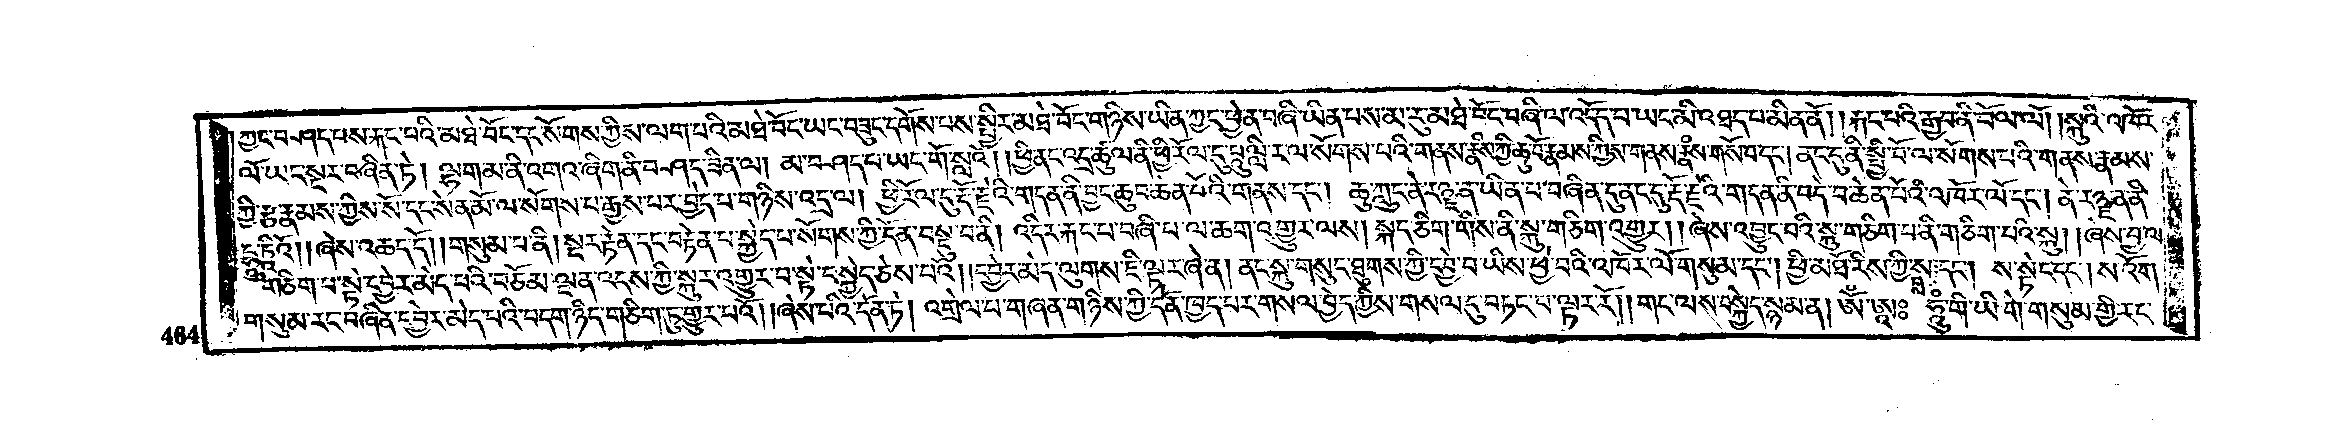ཀྱང་བཤད་པས་རྐང་པའི་མཐེ་བོང་དང་སོགས་ཀྱིས་ལག་པའི་མཐེ་བོང་ཡང་བཟུང་དགོས་པས་སྤྱིར་མཐེ་བོང་གཉིས་ཡིན་ཀྱང་ཕྱེ་ན་བཞི་ཡིན་པས་མ་རུ་མཐེ་བོང་བཞི་ལ་འདོད་པ་ཡང་མི་འཐད་པ་མིན་ནོ། །རྐང་པའི་རྒྱབ་ནི་བོལ་ལོ། །སྐུའི་འཁོར་
ལོ་ཡང་སྔར་བཞིན་ཏེ། ལྷག་མ་ནི་འགའ་ཞིག་ནི་བཤད་ཟིན་ལ། མ་བཤད་པ་ཡང་གོ་སླའོ། །ཕྱི་ནང་འདྲ་ཚུལ་ནི་ཕྱི་རོལ་དུ་པཱུལླི་ར་ལ་སོགས་པའི་གནས་རྣམས་ཀྱི་ཆུ་བོ་རྣམས་ཀྱིས་གནས་རྣམས་གསོ་བ་དང་། ནང་དུ་ནི་སྤྱི་བོ་ལ་སོགས་པའི་གནས་རྣམས་
ཀྱི་རྩ་རྣམས་ཀྱིས་སོ་དང་སེན་མོ་ལ་སོགས་པ་རྒྱས་པར་བྱེད་པ་གཉིས་འདྲ་ལ། ཕྱི་རོལ་དུ་རྡོ་རྗེའི་གདན་ནི་བྱང་ཆུབ་ཆེན་པོའི་གནས་དང་། ཆུ་ཀླུང་ནེ་རཉྫ་ན་ཡིན་པ་བཞིན་དུ་ནང་དུ་རྡོ་རྗེའི་གདན་ནི་བདེ་བ་ཆེན་པོའི་འཁོར་ལོ་དང་། ནེ་རཉྫ་ན་ནི་
དྷཱུ་ཏཱིའོ། །ཞེས་འཆད་དོ། །གསུམ་པ་ནི། སྔར་རྟེན་དང་བརྟེན་པ་སྐྱེད་པ་སོགས་ཀྱི་དོན་བསྡུ་བ་ནི། འདིར་རྐང་པ་བཞི་པ་ལ་ཆག་འགྱུར་ལས། སྐད་ཅིག་གིས་ནི་སྐུ་གཅིག་འགྱུར། །ཞེས་འབྱུང་བའི་སྐུ་གཅིག་པ་ནི་གཅིག་པའི་སྐུ། །ཞེས་བྱ་ལ་
གཅིག་པ་སྟེ་དབྱེར་མེད་པའི་བཅོམ་ལྡན་འདས་ཀྱི་སྐུར་འགྱུར་བ་སྟེ་བསྐྱེད་ཅེས་པའོ། །དབྱེར་མེད་ལུགས་ཇི་ལྟར་ཞེ་ན། ནང་སྐུ་གསུང་ཐུགས་ཀྱི་དབྱེ་བ་ཡིས་ཕྱེ་བའི་འཁོར་ལོ་གསུམ་དང་། ཕྱི་མཐོ་རིས་ཀྱི་ས་བླ་དང་། ས་སྟེང་དང་། ས་འོག་
གསུམ་རང་བཞིན་དབྱེར་མེད་པའི་བདག་ཉིད་གཅིག་ཏུ་གྱུར་པའོ། །ཞེས་པའི་དོན་ཏེ། འགྲེལ་པ་གཞན་གཉིས་ཀྱི་དོན་ཁྱད་པར་གསལ་བྱེད་ཀྱིས་གསལ་དུ་བཏང་བ་ལྟར་རོ། །གང་ལས་བསྐྱེད་སྙམ་ན། ཨོཾ་ཨཱཿ ཧཱུཾ་གི་ཡི་གེ་གསུམ་གྱི་རང་